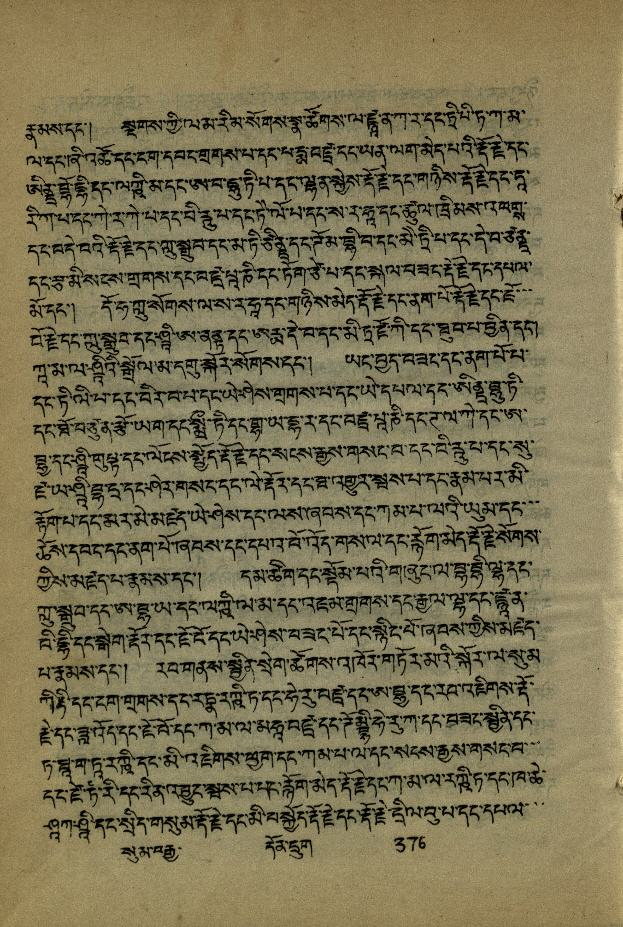རྣམས་དང་། སྔགས་ཀྱི་ལམ་རིམ་སོགས་སྣ་ཚོགས་ལ་ཛྙཱ་ན་ཀ་ར་དང་ཏྲི་པི་ཏ་ཀ་མ་
ལ་དང་ཞི་འཚོ་དང་ངག་དབང་གྲགས་པ་དང་པདམ་བཛྲ་དང་ཡན་ལག་མེད་པའི་རྡོ་རྗེ་དང་
ཨིནྡྲ་བྷོ་དྷི་དང་ལཀྵི་མ་དང་ཨ་བ་དྷུ་ཏི་པ་དང་ལྷན་སྐྱེས་རྡོ་རྗེ་དང་གཉིས་རྡོ་རྗེ་དང་དཱ་
རི་ཀ་པ་དང་ཀེ་ར་ཀེ་པ་དང་བི་རཱུ་པ་དང་ཏཻ་ལོ་པ་དང་ས་ར་ཧཱ་དང་ཚུལ་ཁྲིམས་འཕགས་
དང་བདེ་བའི་རྡོ་རྗེ་དང་ཀླུ་སྒྲུབ་དང་མ་ཏི་ཙིནྡྲ་དང་ཌོམ་བྷི་བ་དང་མཻ་ཏྲི་རྗེ་དང་དཔལ་
དང་རྩ་མི་སངས་གྲགས་དང་བྫྲ་པཱ་ཎི་དང་ཏོག་ཙེ་པ་དང་སྐལ་བཟང་རྡོ་རྗེ་དང་དཔལ་
མོ་དང་། དོ་ཧ་ཀླུ་སོགས་ལས་ར་ཧཱ་དང་གཉིས་མེད་རྡོ་རྗེ་དང་ནག་པོ་རྡོ་རྗེ་དང་ཇོ་
བོ་རྗེ་དང་ཀླུ་སྒྲུབ་དང་ཤྲཱི་ཨ་ནནྟ་དང་ཨརྱ་རྡེ་བ་དང་མི་ཏྲ་ཛོ་ཀི་དང་ཐུབ་པ་བྱིན་དང་།
ཀཱ་མ་ལ་ཤྲཱིའི་སྒྲལ་མ་དགུ་སྐོར་སོགས་དང་། ཡང་བྱས་བཟང་དང་ནག་པོ་པ་
དང་ཏི་ལི་པ་དང་བིར་བ་པ་དང་ཡེ་ཤེས་གྲགས་པ་དང་ཡེ་དཔལ་དང་ཨིནྡྲ་བྷུ་ཏི་
དང་ཐོ་བཙུན་རྩོ་ཡག་དང་སྨྲྀ་ཏི་དང་གྷ་ཡ་དྷ་ར་དང་བཛྲ་པཱ་ཎི་དང་ཊ་ལ་ཀེ་དང་ཨ་
བྷྱ་དང་ཤྲཱི་གུཔྟ་དང་ལོངས་སྤྱོད་རྡོ་རྗེ་དང་སངས་རྒྱས་གསང་བ་དང་བི་རཱུ་པ་དང་སུ་
ཛ་ཡ་ཤྲཱི་བྷ་དྲ་དང་ཤེར་གསང་དང་ལེ་རྡོར་དང་ཐ་འགྱུར་སྦས་པ་དང་རྣམ་པར་མི་
རྟོག་པ་དང་མར་མེ་མཛད་ཡེ་ཤེས་དང་ལས་ཞབས་དང་ཀམ་པ་ལའི་ཡུམ་དང་
ཆོས་དབང་དང་ནག་པོ་ཞབས་དང་དཔའ་བོ་འོད་གསལ་དང་རྙོག་མེད་རྡོ་རྗེ་སོགས་
ཀྱིས་མཛད་པ་རྣམས་དང་། དམ་ཚིག་དང་སྡོམ་པའི་གཞུང་ལ་བྷ་བྷི་ལྷ་དང་
ཀླུ་སྒྲུབ་དང་ཨ་བྷ་ཡ་དང་ལཀྵི་ལ་མ་དང་འཇམ་གྲགས་དང་རྒྱལ་ལྷ་དང་ཛྙཱ་ན་
བི་དྷི་དང་སྒེག་རྡོར་དང་ཇོ་བོ་དང་ཡེ་ཤེས་བཟང་པོ་དང་སྙང་པོ་ཞབས་ཀྱིས་མཛད་
པ་རྣམས་དང་། རབ་གནས་སྦྱིན་སྲེག་ཚོགས་འཁོར་གཏོར་མའི་སྐོར་ལ་སུ་མ་
ཀི་ཏི་དང་ངག་གྲགས་དང་རཏྣ་རཀྵི་ཏ་དང་ཧེ་རུ་བཛྲ་དང་ཨ་བྷྱ་དང་རབ་འཇིགས་རྡོ་
རྗེད་དང་ཟླ་འོད་དང་ཇོ་བོ་དང་ཀ་མ་ལ་མ་ཧཱ་བཛྲ་དང་ཌོ་མྦྷི་ཧེ་རུ་ཀ་དང་བཟང་སྦྱིན་དང་
ཏ་ཐཱ་ག་ཏཱ་ཨཀྵི་དང་མི་འཇིགས་ཕྱག་དང་ཀམ་པ་ལ་དང་སངས་རྒྱས་གསང་བ་
དང་ཛོ་ཏི་རི་དང་རིན་འབྱུང་སྦས་པ་པད་རྙོག་མེད་རྡོ་རྗེ་དང་ཀ་མ་ལ་རཀྵི་དང་ཁ་ཆེ་
ཤཱཀ་ཤྲཱི་དང་སྲིད་གསུམ་རྡོ་རྗེ་དང་མི་བསྐྱོད་རྡོ་རྗེ་དང་རྡོ་རྗེ་དྲིལ་བུ་པ་དང་དཔལ་